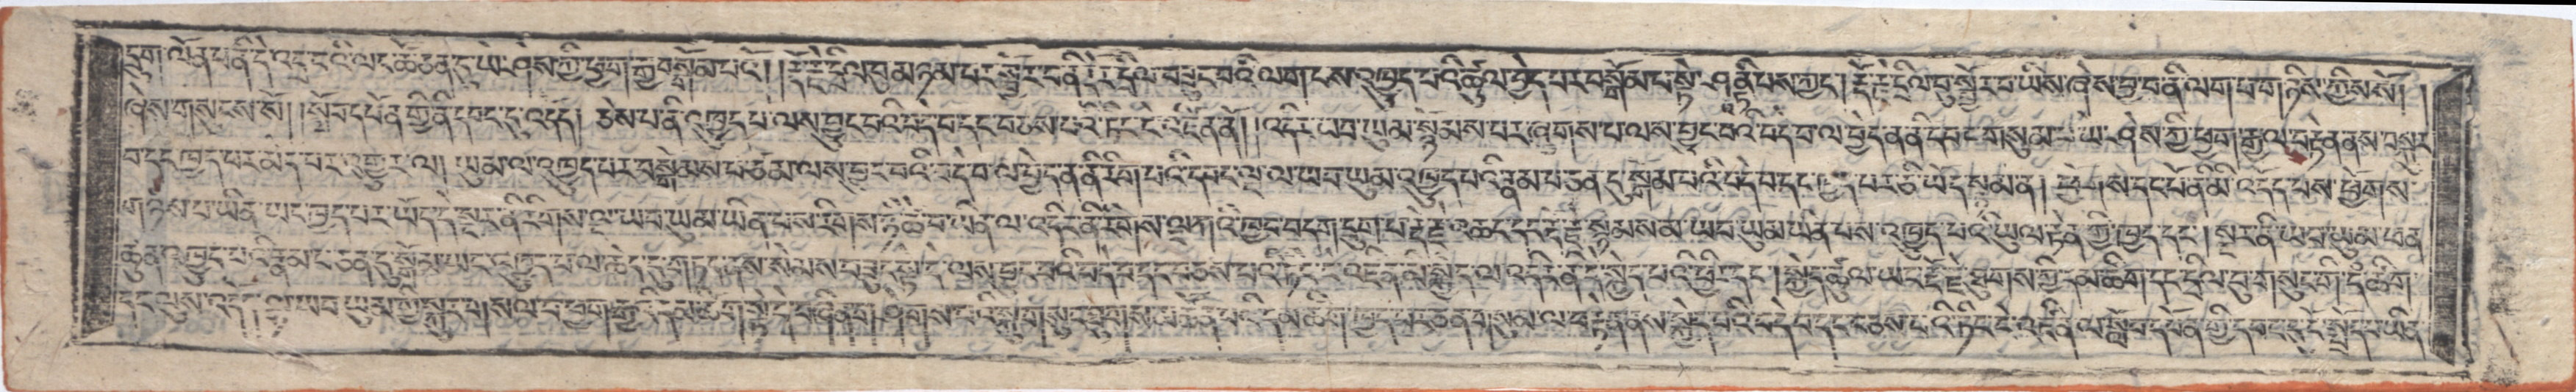དྲུག་ལོན་པ་ནི་དེ་འདྲ་བའི་ལང་ཚོ་ཅན་དུ་ཡེ་ཤེས་ཀྱི་ཕྱག་རྒྱ་བསྒོམ་པའོ། །རྡོ་རྗེ་དྲིལ་བུ་མཉམ་པར་སྦྱོར་བ་ནི་རྡོར་དྲིལ་བཟུང་བའི་ལག་པས་འཁྱུད་པའི་ཚུལ་བྱེད་པར་བསྒོམ་པ་སྟེ་ཤཱནྟི་པས་ཀྱང་། རྡོ་རྗེ་དྲིལ་བུ་སྦྱོར་བ་ཡིས་ཞེས་བྱ་བ་ནི་ལག་པ་གཉིས་ཀྱིས་སོ། །
ཞེས་གསུངས་སོ། །སློབ་དཔོན་གྱི་ནི་དབང་དུ་འདོད། ཅེས་པ་ནི་འཁྱུད་པ་ལས་བྱུང་བའི་བདེ་བ་དང་བཅས་པའི་ཏིང་ངེ་འཛིན་ནོ། །འདིར་ཡབ་ཡུམ་སྙོམས་པར་ཞུགས་པ་ལས་བྱུང་བའི་བདེ་བ་ལ་བྱེད་ན་ནི་དབང་གསུམ་པ་ཡེ་ཤེས་ཀྱི་ཕྱག་རྒྱ་ལ་བརྟེན་ནས་བསྐུར་
བ་དང་ཁྱད་པར་མེད་པར་འགྱུར་ལ། ཡུམ་ལ་འཁྱུད་པར་བསྒོམས་པ་ཙམ་ལས་བྱུང་བའི་བདེ་བ་ལ་བྱེད་ན་ནི་རིག་པའི་དབང་ལྔ་ལ་ཡབ་ཡུམ་འཁྱུད་པའི་རྣམ་པ་ཅན་དུ་སྒོམ་པའི་བདེ་བ་དང་ཁྱད་པར་ཅི་ཡོད་སྙམ་ན། ཕྱོགས་དང་པོ་ནི་མི་འདོད་པས་ཕྱོགས་
གཉིས་པ་ཡིན་ཡང་ཁྱད་པར་ཡོད་དེ་སྔར་ནི་རིགས་ལྔ་ཡབ་ཡུམ་ཡིན་པས་རིགས་ཉི་ཚེ་བ་ཡིན་ལ་འདིར་ནི་རིགས་ལྔ་ཀའི་ཁྱབ་བདག་ཨུདྲུག་པ་རྡོ་རྗེ་འཆང་དང་རྡོ་རྗེ་སྙེམས་མ་ཡབ་ཡུམ་ཡིན་པས་འཁྱུད་པའི་ཡུལ་རྟེན་གྱི་ཁྱད་དང་། སྔར་ནི་ཡབ་ཡུམ་ཕན་
ཚུན་འཁྱུད་པའི་རྣམ་པ་ཅན་དུ་སྒོམ་ཡང་འཁྱུད་པ་ལ་ཆེད་དུ་གཏད་ནས་སེམས་བཟུང་སྟེ་དེ་ལས་བྱུང་བའི་བདེ་བ་དང་བཅས་པའི་ཏིང་ངེ་འཛིན་མི་སྐྱེད་ལ་འདིར་ནི་དེ་སྐྱེད་པའི་ཕྱིར་དང་། སྐྱེད་ཚུལ་ཡང་རྡོ་རྗེ་ཐུགས་ཀྱི་དམ་ཚིག་དང་དྲིལ་བུ་གསུང་གི་དམ་ཚིག་
དང་ལུས་འདོད་ལྷ་ཡབ་ཡུམ་གྱི་སྐུར་གསལ་བ་ཕྱག་རྒྱའི་དམ་ཚིག་སྟེ་དེ་བཞིན་གཤེགས་པའི་སྐུ་གསུང་ཐུགས་མཚོན་པའི་དམ་ཚིག་ཁྱད་པར་ཅན་གསུམ་ལ་བརྟེན་ནས་སྐྱེད་པའི་བདེ་བ་དང་བཅས་པའི་ཏིང་ངེ་འཛིན་ལ་སློབ་དཔོན་གྱི་དབང་དུ་ངོ་སྤྲོད་པ་ཡིན་